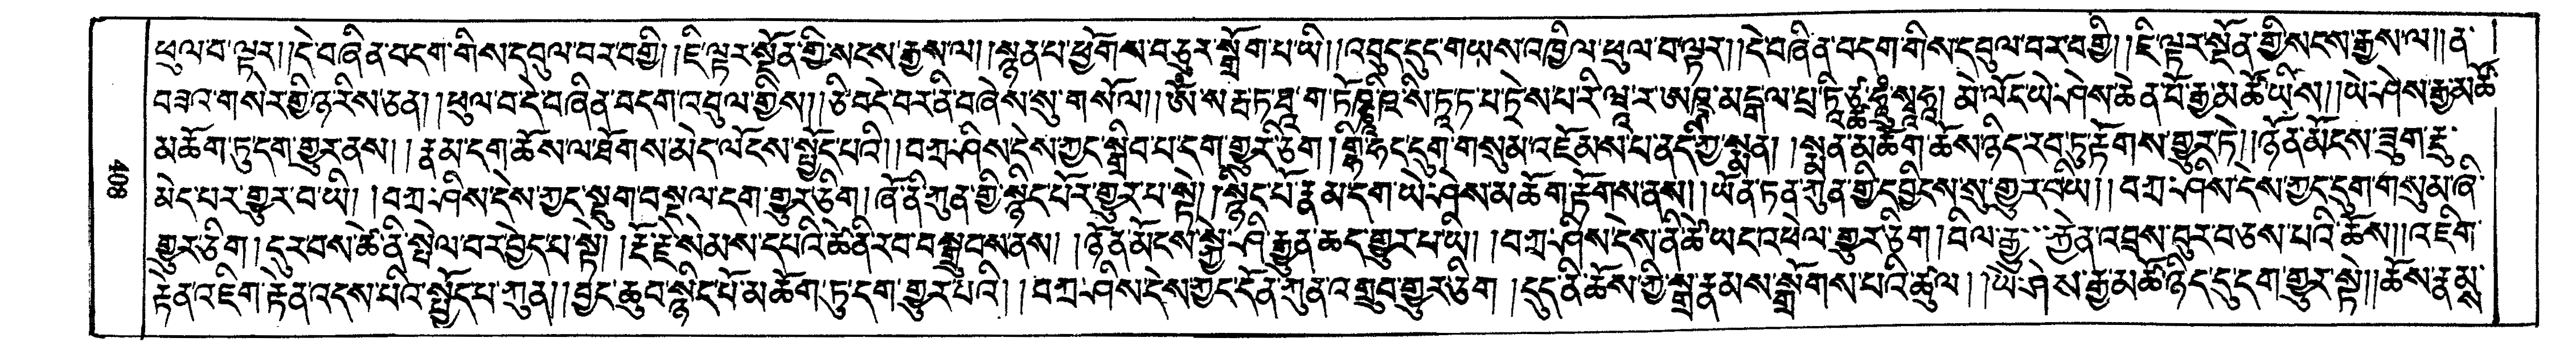ཕུལ་བ་ལྟར། །དེ་བཞིན་བདག་གིས་དབུལ་བར་བགྱི། །ཇི་ལྟར་སྔོན་གྱི་སངས་རྒྱས་ལ། །སྙན་པ་ཕྱོགས་བཅུར་སྒྲོག་པ་ཡི། །འབུད་དུང་གཡས་འཁྱིལ་ཕུལ་བལྟར། །དེ་བཞིན་བདག་གིས་དབུལ་བར་བགྱི། །ཇི་ལྟར་སྔོན་གྱི་སངས་རྒྱས་ལ། །ན་
བཟའ་གསེར་གྱི་ཉ་རིས་ཅན། །ཕུལ་བ་དེ་བཞིན་བདག་འབུལ་གྱིས། །ཅི་བདེ་བར་ནི་བཞེས་སུ་གསོལ། །ཨོཾ་སརྦ་ཏ་ཐཱ་ག་ཏོཥྞཱི་ཥ་སི་ཏཱ་ཏ་པ་ཏྲེ་ས་པ་རི་ཝཱ་ར་ཨཥྚ་མངྒ་ལ་པྲ་ཏཱི་ཙྪ་ཧཱུཾ་སྭཱ་ཧཱ། མེ་ལོང་ཡེ་ཤེས་ཆེན་པོ་རྒྱ་མཚོ་ཡིས། །ཡེ་ཤེས་རྒྱ་མཚོ་
མཆོག་ཏུ་དག་གྱུར་ནས། །རྣམ་དག་ཆོས་ལ་ཐོགས་མེད་ལོངས་སྤྱོད་པའི། །བཀྲ་ཤིས་དེས་ཀྱང་སྒྲིབ་པ་དག་གྱུར་ཅིག །གྷི་ཧང་དུག་གསུམ་འཇོམས་པ་ནད་ཀྱི་སྨན། །སྨན་མཆོག་ཆོས་ཉིད་རབ་ཏུ་རྟོགས་གྱུར་ཏེ། །ཉོན་མོངས་ཟུག་རྔུ་
མེད་པར་གྱུར་པ་ཡི། །བཀྲ་ཤིས་ངེས་ཀྱང་སྡུག་བསྔལ་དག་གྱུར་ཅིག །ཞོ་ནི་ཀུན་གྱི་སྙིང་པོར་གྱུར་པ་སྟེ། །སྙིང་པོ་རྣམ་ད་གྱེ་ཤེས་མཆོག་རྟོགས་ནས། །ཡོན་ཏན་ཀུན་གྱི་དབྱིངས་སུ་གྱུར་པ་ཡི། །བཀྲ་ཤིས་དེས་ཀྱང་དུག་གསུམ་ཞི་
གྱུར་ཅིག །དུར་བས་ཚེ་ནི་སྤེལ་བར་བྱེད་པ་སྟེ། །རྡོ་རྗེ་སེམས་དཔའི་ཚེ་ནི་རབ་བསྒྲུབས་ནས། །ཉོན་མོངས་སྐྱེ་ཤི་རྒྱུན་ཆད་གྱུར་པ་ཡི། །བཀྲ་ཤིས་དེས་ནི་ཚེ་ཡང་འཕེལ་གྱུར་ཅིག །བིལ་བ་རྒྱུ་རྐྱེན་འབྲས་བུར་བཅས་པའི་ཆོས། །འཇིག་
རྟེན་འཇིག་རྟེན་འདས་པའི་སྤྱོད་པ་ཀུན། །བྱང་ཆུབ་སྙིང་པོ་མཆོག་ཏུ་དག་གྱུར་པའི། །བཀྲ་ཤིས་དེས་ཀྱང་དོན་ཀུན་འགྲུབ་གྱུར་ཨཅིག །དུང་ནི་ཆོས་ཀྱི་སྒྲ་རྣམས་སྒྲོགས་པའི་ཚུལ། །ཡེ་ཤེས་རྒྱ་མཚོ་ཉིད་དུ་དག་གྱུར་སྟེ། །ཆོས་རྣམས་